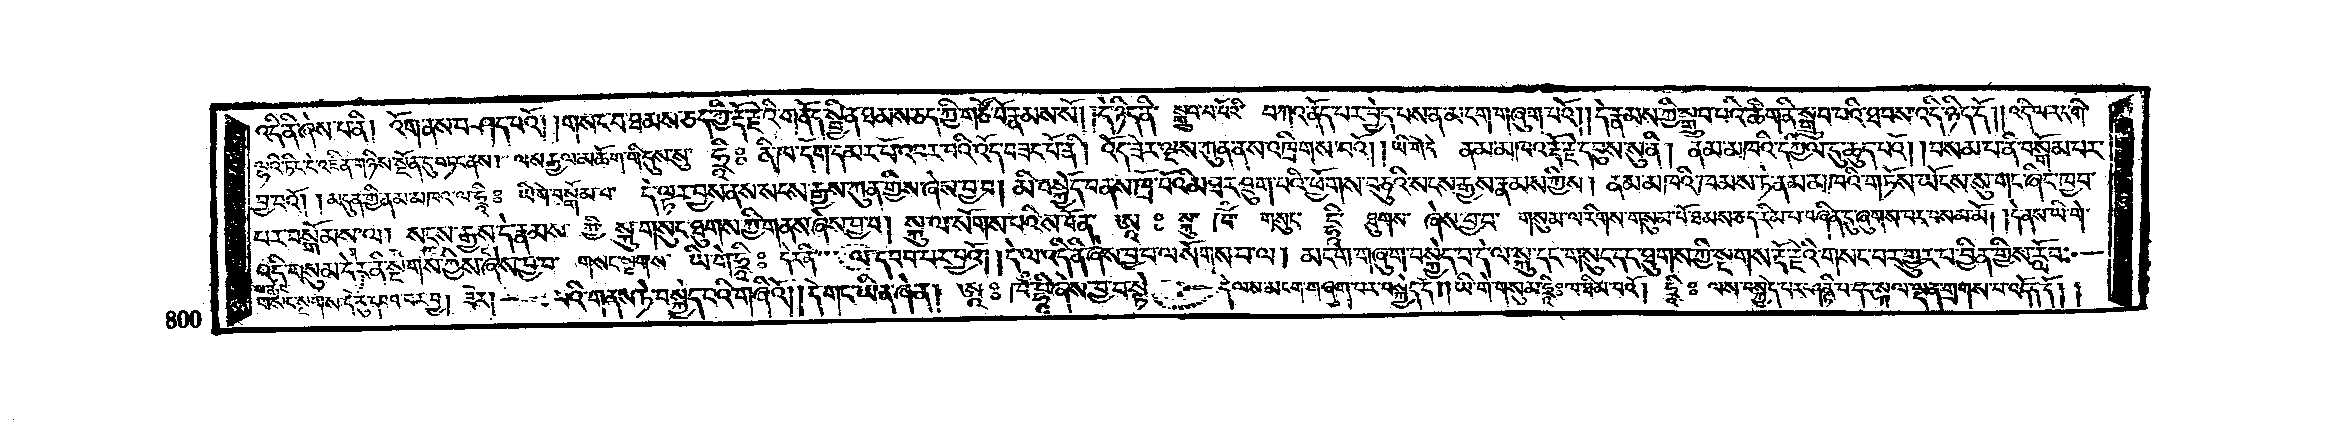འདི་ནི་ཞེས་པ་ནི། འོག་ནས་བཤད་པའོ། །གསང་བ་ཐམས་ཅད་ཀྱི་རྡོ་རྗེ་ནི་གནོད་སྦྱིན་ཐམས་ཅད་ཀྱི་གཙོ་བོ་རྣམས་སོ། །དེ་ཉིད་ནི་སྒྲུབ་པ་པོའི་བཀའ་ནོད་པར་བྱེད་པས་ན་མངག་གཞུག་པའོ། །དེ་རྣམས་ཀྱི་སྒྲུབ་པའི་ཚིག་ནི་སྒྲུབ་པའི་ཐབས་འདི་ཉིད་དོ། །འདི་ལ་རང་གི་
ལྷའི་ཏིང་ངེ་འཛིན་གཉིས་སྔོན་དུ་བཏང་ནས། ལས་རྒྱལ་མཆོག་གི་དུས་སུ་ཧྲཱིཿ ནི་ཁ་དོག་དམར་པོ་འབར་བའི་འོད་བཟང་པོ་ནི། འོད་ཟེར་ལྔས་ཀུན་ནས་འཁྲིགས་པའོ། ། ཡི་གེ་དེ་ནམ་མཁའ་རྡོ་རྗེ་དབུས་སུ་ནི། ནམ་མཁའི་དཀྱིལ་དུ་ཆུད་པའོ། །བསམ་པ་ནི་བསྒོམ་པར་
བྱ་བའོ། ། མདུན་གྱི་ནམ་མཁའ་ལ་ཧྲཱིཿ ཡིག་བསྒོམ་པ་དེ་ལྟར་བྱས་ནས་སངས་རྒྱས་ཀུན་གྱིས་ཞེས་བྱ་བ། མི་བསྐྱོད་པ་ནས་ཁྲོ་བོའི་མཐར་ཐུག་པའི་ཕྱོགས་བཅུའི་སངས་རྒྱས་རྣམས་ཀྱིས། ནམ་མཁའི་ཁམས་ཏེ་ནམ་མཁའི་གཏོས་ཡོངས་སུ་གང་ཞིང་ཁྱབ་
པར་བསྒོམས་ལ། སངས་རྒྱས་དེ་རྣམས་ཀྱི་སྐུ་གསུང་ཐུགས་ཀྱི་གནས་ཞེས་བྱ་བ། སྐུ་ལ་སོགས་པའི་ས་བོན་ཨཱཿ སྐུ་ཁཾ་གསུང་དྷཱི་ཐུགས་ཞེས་བྱ་བ་གསུམ་ལ་རིགས་གསུམ་པོ་ཐམས་ཅད་རིམ་པ་བཞིན་དུ་ཞུགས་པར་བསམ་མོ། །དེ་ནས་ཡི་གེ
འདི་གསུམ་དེར་ནི་སྔགས་ཀྱིས་ཞེས་བྱ་བ་གསང་སྔགས་ཡི་གེ་ཧྲཱིཿ དེར་ནི་ལ་དབབ་པར་བྱའོ། །དེ་ལ་འདི་ནི་ཞེས་བྱ་བ་ལ་སོགས་པ་ལ། མངག་གཞུག་བསྐྱེད་པ་དེ་ལ་སྐུ་དང་གསུང་དང་ཐུགས་ཀྱི་སྔགས་རྡོ་རྗེའི་གསང་བར་གྱུར་པ་བྱིན་གྱིས་རློབ་H.་པ་ཚབ་གསང་སྔགས་དེ་རུ་དབབ་པར་བྱ། ཟེར། .H པའི་གནས་ཏེ་བསྐྱེད་པའི་གཞིའོ། །དགོང་ཡིན་ཞེ་ན། ཨཱཿ ཁཾ་དྷཱི་ཞེས་བྱ་བ་སྟེ་H.་དེ་ལས་མངག་གཞུག་པར་བསྐྱེད་དོ། །ཡི་གེ་གསུམ་ཧྲཱིཿ ལ་ཐིམ་པའོ། །ཧྲཱིཿ ལས་བསྐྱེད་པར་ཤྣྟི་པ་དང་སྐལ་ལྡན་གྲགས་པ་འདོད་དོ། །